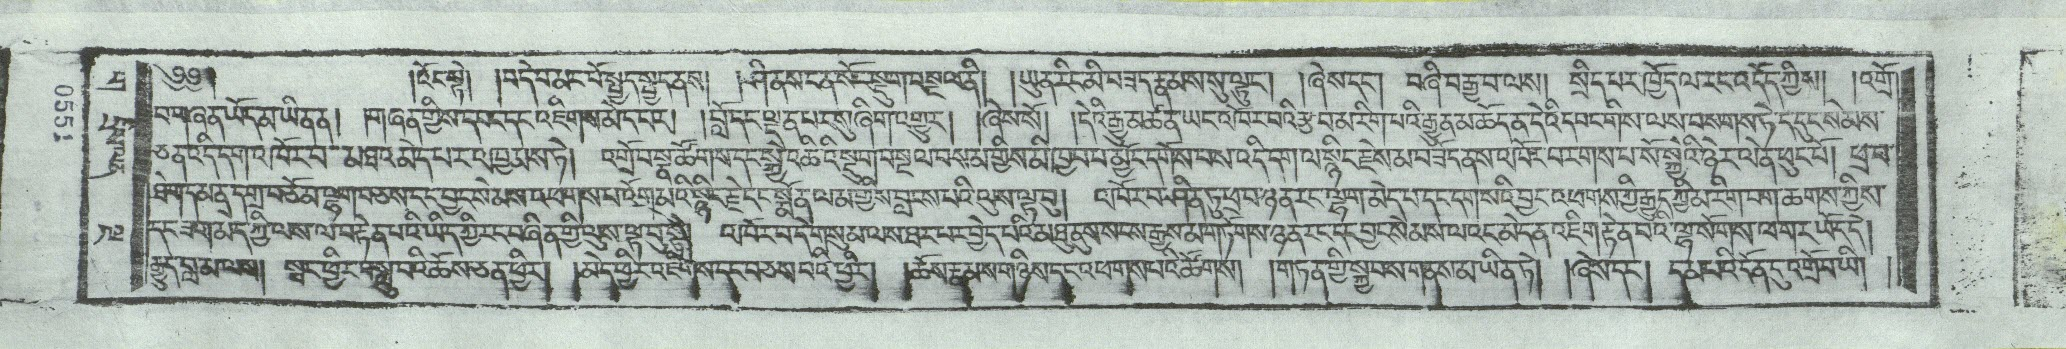༄༅། །འོང་སྟེ། །བདེ་བ་མང་པོ་སྤྱད་སྤྱད་ནས། །ཤི་ནས་ངན་སོང་སྡུག་བསྔལ་ནི། །ཡུན་རིང་མི་བཟད་རྣམས་སུ་ལྷུང་། །ཞེས་དང་། བཞི་བརྒྱ་པ་ལས། སྲིད་པར་ཁྱོད་ལ་རང་འདོད་ཀྱིས། །འགྲོ་
བ་གཞན་ཡོད་མ་ཡིན་ན། །གཞན་གྱིས་དབང་དང་འཇིགས་མེད་པར། །བློ་དང་ལྡན་པར་སུ་ཞིག་འགྱུར། །ཞེས་སོ། །དེའི་རྒྱུ་མཚན་ཡང་འཁོར་བའི་རྩ་བ་མ་རིག་པའི་རྒྱུན་མཆོད་ན་དེའི་དབང་གིས་ལས་བསགས་ཏེ་ད་དུང་སེམས་
ཅན་འདི་དག་འཁོར་བ་མཐའ་མེད་པར་འཁྱམས་ཏེ། འགྲོ་བ་སྣ་ཚོགས་དང་སྐྱེ་འཆིའི་སྡུག་བསྔལ་བསམ་གྱིས་མི་ཁྱབ་པ་མྱོང་དགོས་པས་འདི་དག་ལ་སྙིང་རྗེས་མ་བཟོད་ནས་འཁོར་བ་རགས་པ་སོ་སྐྱེའི་ཉེར་ལེན་ཕུང་པོ། ཕྲ་བ་
ཐེག་དམན་དགྲ་བཅོམ་ལྷག་བཅས་དང་བྱང་སེམས་འཕགས་པ་འོག་མའི་སྙིང་རྗེ་དང་སྨོན་ལམ་གྱིས་བླངས་པའི་ལུས་ལྟ་བུ། འཁོར་བ་ཤིན་ཏུ་ཕྲ་བ་ཉན་རང་ལྷག་མེད་པ་དང་དག་སའི་བྱང་འཕགས་ཀྱི་རྒྱུད་ཀྱི་མ་རིག་བག་ཆགས་ཀྱིས་
དང་ཟག་མེད་ཀྱི་ལས་ལ་བརྟེན་པའི་ཡིད་ཀྱི་རང་བཞིན་གྱི་ལུས་ལྟ་བུ་སྟེ། འཁོར་བ་དེ་གསུམ་ལས་ཐར་པར་བྱེད་པའི་མཐུ་ནུས་སངས་རྒྱས་མ་གཏོགས་ཉན་རང་དང་བྱང་སེམས་ལའང་མེད་ན་འཇིག་རྟེན་པའི་ལྷ་སོགས་ལ་གར་ཡོད་དེ།
རྒྱུད་བླ་མ་ལས། སྤང་ཕྱིར་བསླུ་བའི་ཆོས་ཅན་ཕྱིར། །མེད་ཕྱིར་འཇིགས་དང་བཅས་པའི་ཕྱིར། །ཆོས་རྣམས་གཉིས་དང་འཕགས་པའི་ཚོགས། །གཏན་གྱི་སྐྱབས་གནས་མ་ཡིན་ཏེ། །ཞེས་དང་། དམ་པའི་དོན་དུ་འགྲོ་བ་ཡི། །